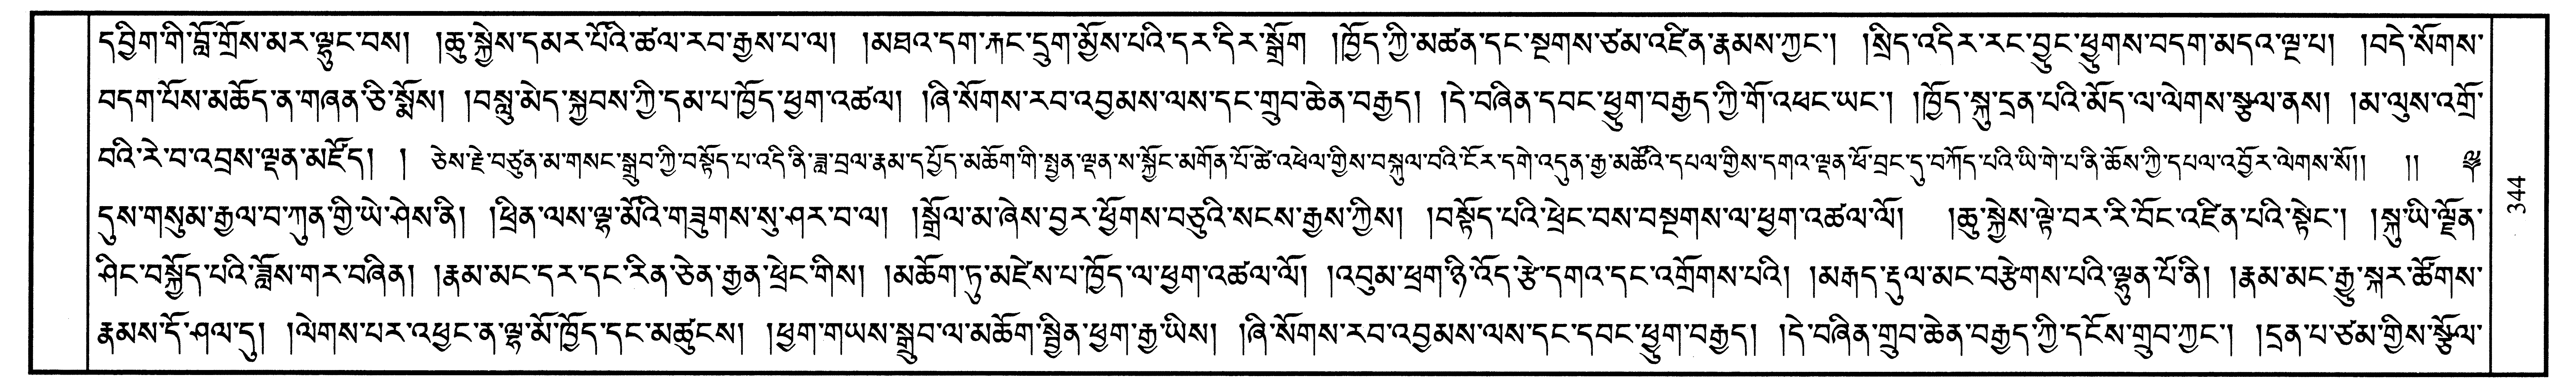དབྱིག་གི་བློ་གྲོས་མར་ལྷུང་བས། །ཆུ་སྐྱེས་དམར་པོའི་ཚལ་རབ་རྒྱས་པ་ལ། །མཐའ་དག་རྐང་དྲུག་མྱོས་པའི་དར་དིར་སྒྲོག །ཁྱོད་ཀྱི་མཚན་དང་སྔགས་ཙམ་འཛིན་རྣམས་ཀྱང་། །སྲིད་འདིར་རང་བྱུང་ཕྱུགས་བདག་མདའ་ལྔ་པ། །བདེ་སོགས་
བདག་པོས་མཆོད་ན་གཞན་ཅི་སྨོས། །བསླུ་མེད་སྐྱབས་ཀྱི་དམ་པ་ཁྱོད་ཕྱག་འཚལ། །ཞི་སོགས་རབ་འབྱམས་ལས་དང་གྲུབ་ཆེན་བརྒྱད། །དེ་བཞིན་དབང་ཕྱུག་བརྒྱད་ཀྱི་གོ་འཕང་ཡང་། །ཁྱོད་སྐུ་དྲན་པའི་མོད་ལ་ལེགས་སྩལ་ནས། །མ་ལུས་འགྲོ་
བའི་རེ་བ་འབྲས་ལྡན་མཛོད། །ཅེས་རྗེ་བཙུན་མ་གསང་སྒྲུབ་ཀྱི་བསྟོད་པ་འདི་ནི་ཟླ་བྲལ་རྣམ་དཔྱོད་མཆོག་གི་སྤྱན་ལྡན་ས་སྐྱོང་མགོན་པོ་ཚེ་འཕེལ་གྱིས་བསྐུལ་བའི་ངོར་དགེ་འདུན་རྒྱ་མཚོའི་དཔལ་གྱིས་དགའ་ལྡན་ཕོ་བྲང་དུ་བཀོད་པའི་ཡི་གེ་པ་ནི་ཆོས་ཀྱི་དཔལ་འབྱོར་ལེགས་སོ།། །། ༈
དུས་གསུམ་རྒྱལ་བ་ཀུན་གྱི་ཡེ་ཤེས་ནི། །ཕྲིན་ལས་ལྷ་མོའི་གཟུགས་སུ་ཤར་བ་ལ། །སྒྲོལ་མ་ཞེས་བྱར་ཕྱོགས་བཅུའི་སངས་རྒྱས་ཀྱིས། །བསྟོད་པའི་ཕྲེང་བས་བསྔགས་ལ་ཕྱག་འཚལ་ལོ། །ཆུ་སྐྱེས་ལྟེ་བར་རི་བོང་འཛིན་པའི་སྟེང་། །སྐུ་ཡི་ལྗོན་
ཤིང་བསྐྱོད་པའི་ཟློས་གར་བཞིན། །རྣམ་མང་དར་དང་རིན་ཅེན་རྒྱན་ཕྲེང་གིས། །མཆོག་ཏུ་མཛེས་པ་ཁྱོད་ལ་ཕྱག་འཚལ་ལོ། །འབུམ་ཕྲག་ཉི་འོད་རྩེ་དགའ་དང་འགྲོགས་པའི། །མྲྒད་རྡུལ་མང་བརྩེགས་པའི་ལྷུན་པོ་ནི། །རྣམ་མང་རྒྱུ་སྐར་ཚོགས་
རྣམས་དོ་ཤལ་དུ། །ལེགས་པར་འཕྱང་ན་ལྷ་མོ་ཁྱོད་དང་མཚུངས། །ཕྱག་གཡས་སྒྲུབ་ལ་མཆོག་སྦྱིན་ཕྱག་རྒྱ་ཡིས། །ཞི་སོགས་རབ་འབྱམས་ལས་དང་དབང་ཕྱུག་བརྒྱད། །དེ་བཞིན་གྲུབ་ཆེན་བརྒྱད་ཀྱི་དངོས་གྲུབ་ཀྱང་། །དྲན་པ་ཙམ་གྱིས་སྩོལ་